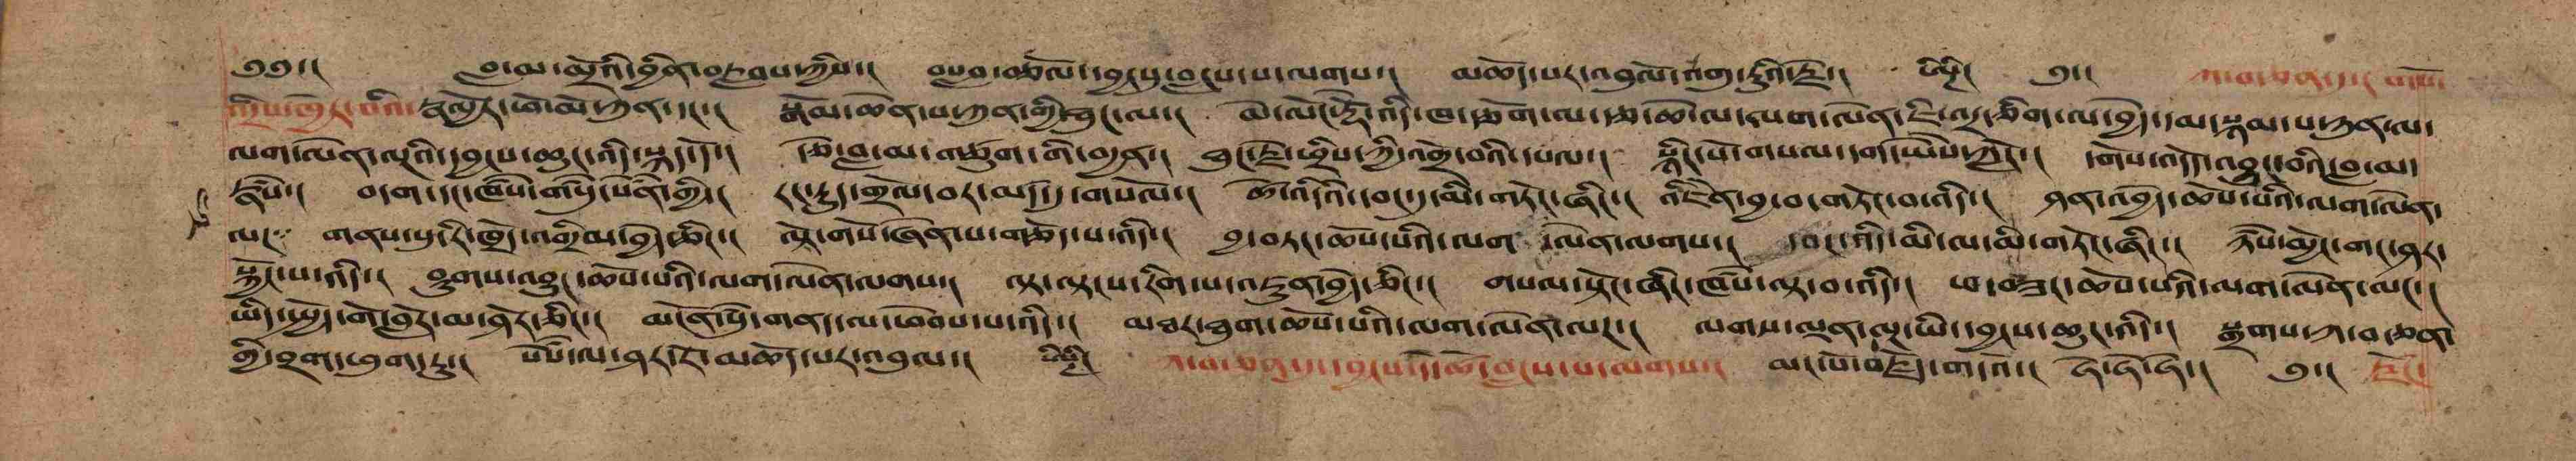༄༅།། བླ་མ་མཁའ་འགྲོའི་བྱིན་རླབས་ཀྱིས།། བསླབ་བཅོལ་དབྱངས་སུ་བླངས་པ་ལགས།། མཆོད་པར་འབུལ་ལོ་འགུ་རུའི་རྗེ།། ཨིཊི།། ༄་། ཀ་བ་ཅན་དུ།། གསོ་
འདྲིས་ཁྱེར་བའི་རྣལ་འབྱོར་ཕོ་མོ་ཀུན་དང་།། སྒོམ་ཆེན་པ་ཀུན་གྱི་ཐུགས་ལ།། མེ་ལོང་རྡོ་རྗེ་འདི་ཁ་རྩོག་ལ་རྩ་ཆེ་ལ་ལག་ལེན་ཇི་འདྲ་ཅིག་ལ་བྱེད་དམ་སྙམ་པ་ཀུན་ལ་
ལག་ལེན་ལྔའི་དབྱངས་ཆུང་འདི་སྐད་དོ།། རྩེ་བླ་མ་གཙུག་གི་རྒྱན།། ཐུགས་རྗེ་ཕྲིན་ལས་ཀྱི་འགྲོ་བའི་དཔལ།། སྙིང་པོ་གསལ་དག་ཡེ་ཤེས་ཀློང་།། དགོས་འདོད་འབྱུང་བའི་བླ་མ་
རྣམས།། བདག་དང་ཁམས་གསུམ་སེམས་ཅན་གྱི།། རང་རྒྱུད་གྲོལ་བར་མཛད་དུ་གསོལ།། ཚེ་འདིའི་དབང་དུ་མི་གཏོང་ཞིང་།། འཇིག་རྟེན་བྱ་བ་གཏང་བ་འདི།། ཤན་འབྱེད་ཆོས་པའི་ལག་ལེན་
ལགས།། གནས་སུ་རི་ཁྲོད་འགྲིམ་བྱེད་ཅིང་།། ལྟོ་གོས་ཞེན་པ་གཅོད་པ་འདི།། བྱ་བཏང་ཆོས་པའི་ལག་ལེན་ལགས།། དབང་འདི་མི་ལ་མི་གཏོང་ཞིང་།། ཉམས་མྱོང་གང་ཤར་
སྐྱོང་པ་འདི།། ཤུགས་འབྱུང་ཆོས་པའི་ལག་ལེན་ལགས།། ལྟ་སྟངས་རིག་པ་འཇུན་བྱེད་ཅིང་།། གསལ་སྟོང་ཞིང་ཁམས་ལྟ་བ་འདི།། ཕ་བཟང་ཆོས་པའི་ལག་ལེན་ལགས།། 
ཡིད་དཔྱོད་གོ་བློར་མ་ཤོར་ཅིང་།། མངོན་སུམ་གནད་ལ་ཕེབས་པ་འདི།། མཐར་ཐུག་ཆོས་པའི་ལག་ལེན་ལགས།། ལགས་ལྡན་ལྔ་ཡི་དབྱངས་ཆུང་འདི།། སྒྲགས་ཀ་བ་ཅན་
གྱི་བྲག་ཕུག་ཏུ།། སེམས་ལ་ཤར་རོ་མཆོད་པར་འབུལ།། ཨིཊི།། ཀ་བ་ཅན་དུ་དབྱངས་དེ་ཚོ་བླངས་པ་ལགས།། མང་པོ་བརྗོད་གདའ།། ཧེ་ཧེ་ཧེ།། ་ ༄་། རྫོགས་